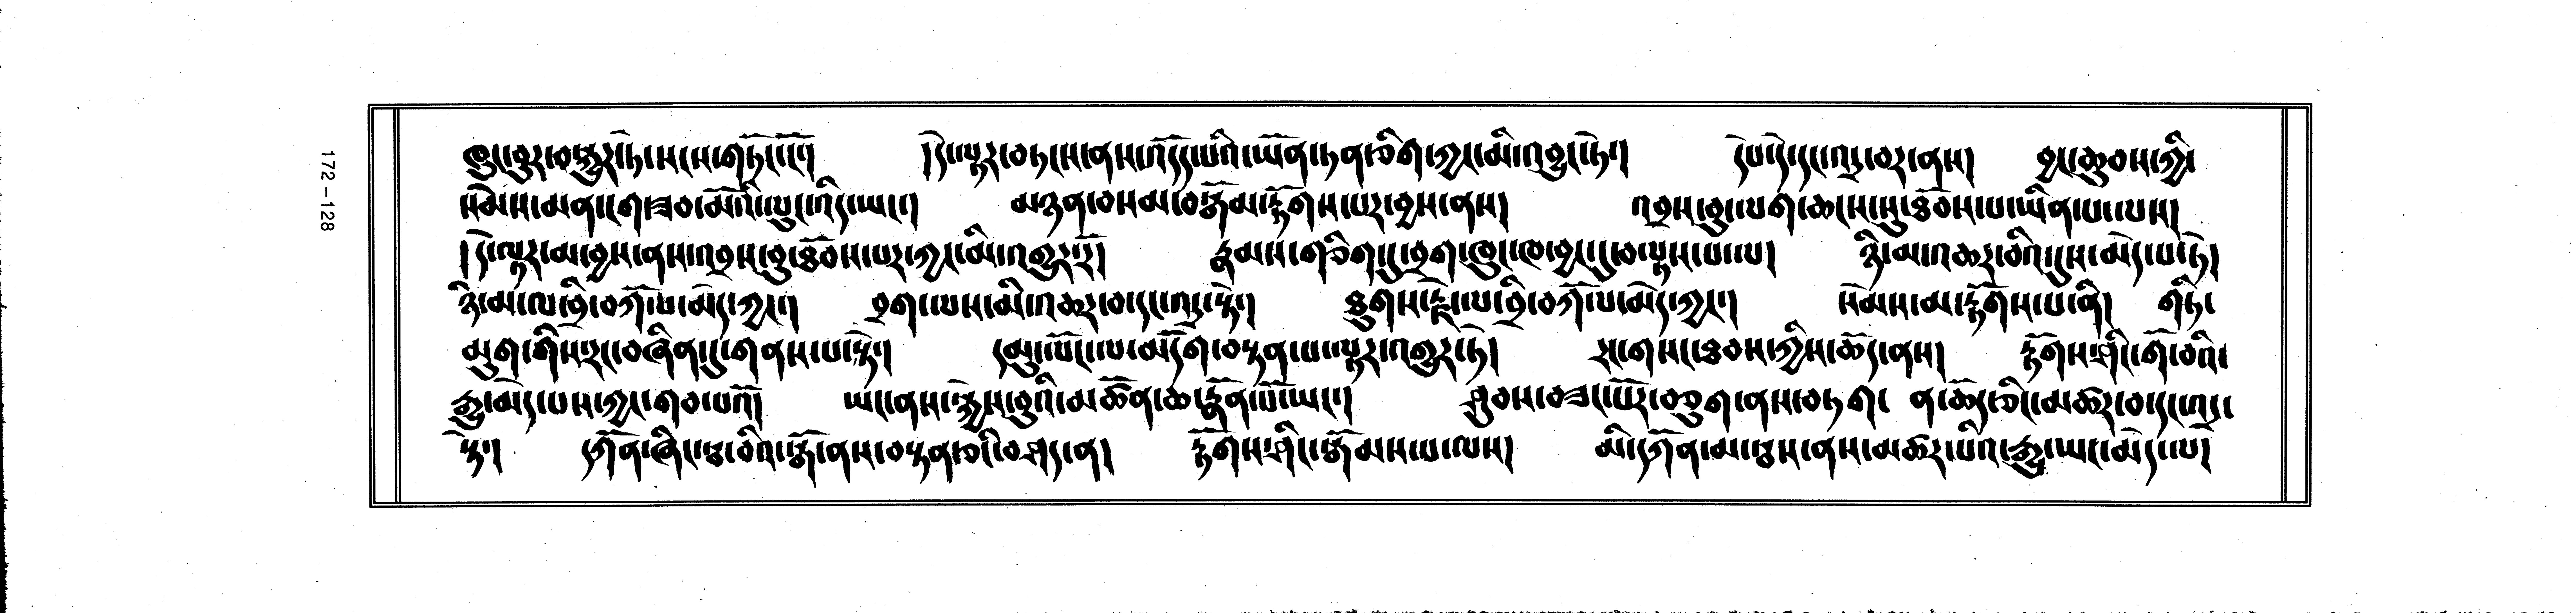ཁུང་བུར་བསྐྱུར་ཏེ་སངས་གཏོང་ངོ་། དེ་ལྟར་བཏངས་ནས་འདོད་པའི་ཡོན་ཏན་ཅིག་ཀྱང་མི་འབྱུང་ཏེ། དཔེ་དེ་དང་འདྲ་བར་ནས། བྱང་ཆུབས་ཀྱི་
སེམས་མན་ངག་མོའི་ལུང་འདི་ཡང་། མཉན་བསམ་བསྒོམ་རྟོགས་པར་བྱས་ནས། འབྲས་བུ་ལག་ཆངས་སུ་ཐོབས་པ་ཡིན་པ་ལས།
དེ་ལྟར་མ་བྱས་ནས་འབྲས་བུ་ཐོབས་པར་ཀྱང་མི་འགྱུར་རོ། རྣམས་གཅིག་དུ་བྲག་ཁུང་ཁ་བྱང་དུ་བལྟས་པ་ལ། ཉི་མ་འཆར་བའི་དུས་མེད་པ་ཏེ། 
ཉི་མ་ལ་བྲི་བཀོལ་མེད་ཀྱང་། བྲག་ལས་མི་འཆར་བ་དང་འདྲ་སྟེ། ཐུགས་རྗེ་ལ་བྲི་བཀོལ་མེད་ཀྱང་། སེམས་མ་རྟོགས་པ་ནི། གཏི་
མུག་གིས་རང་བཞིན་དུ་གནས་པ་སྟེ། དམུ་ལོང་ལ་མདོག་བསྟན་པ་ལྟར་འགྱུར་ཏེ། རང་གསང་ཐབས་ཀྱིས་ཆོད་ནས། རྟོགས་ཤིང་གོ་བའི་
རྒྱུ་མེད་པས་ཀྱང་གབ་པའོ། ཡང་ནས་སྐྱེས་བུའི་མཚོན་ཆ་རྣོན་པོ་ཡང་། ཤུབས་བཟང་པོར་བཅུག་ནས་བཏག་ན་ཆོད་ཅིང་མཚར་བ་དང་འདྲ་
སྟེ། དཀོན་ཞིང་སྦ་བའི་སྒོ་ནས་བསྟན་ཅིང་བཤད་ན། རྟོགས་ཤིང་སྒོམས་པ་ལས། མི་དཀོན་མ་སྦས་ནས་མཚར་པའི་རྒྱུ་ཡང་མེད་ལ།